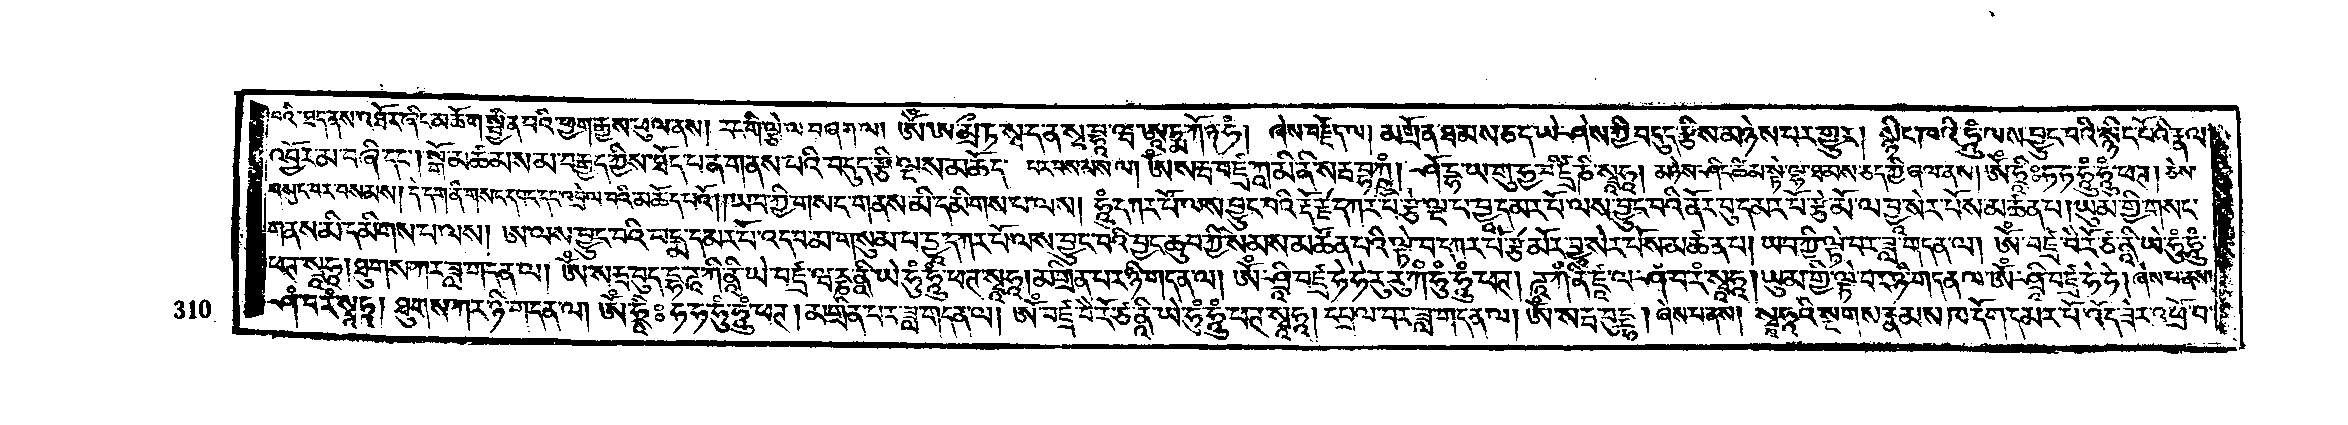བའི་ཐད་ནས་འཐོར་ཞིང་མཆོག་སྦྱིན་པའི་ཕྱག་རྒྱས་ཕུལ་ནས། རང་གི་ལྕེ་ལ་བཞག་ལ། ཨོཾ་ཨ་མྲྀ་ཏ་སྭ་ད་ན་སྭ་བྷཱ་ཝ་ཨཱཏྨ་ཀོཉ་ཧཾ། ཞེས་བརྗོད་ལ།  མགྲོན་ཐམས་ཅད་ཡེ་ཤེས་ཀྱི་བདུད་རྩིས་མཉེས་པར་གྱུར། སྙིང་ཁའི་ཧཱུཾ་ལས་བྱུང་བའི་སྙིང་པོའི་རྣལ་
འབྱོར་མ་བཞི་དང་། སྒོ་མཚམས་མ་བརྒྱད་ཀྱིས་ཐོད་པ་ན་གནས་པའི་བདུད་རྩི་ལྔས་མཆོད་པར་བསམས་ལ། ཨོཾ་སརྦ་བཛྲ་ཀཱ་མི་ནི་སརྦ་བྷཀྵཾ། ཤོ་དྷེ་ཡ་གུ་ཧྱ་བཛྲི་ཎི་སྭཱ་ཧཱ། མཉེས་ཤིང་ཚིམ་སྟེ་ལྷ་ཐམས་ཅད་ཀྱི་ཞལ་ནས།  ཨོཾ་ཧྲཱིཿ ཧ་ཧ་ཧཱུཾ་ཧཱུཾ་ཕཊ། ཅེས་
གསུང་བར་བསམས། དེ་དག་ནི་གསང་དབང་དང་འབྲེལ་བའི་མཆོད་པའོ། །ཡབ་ཀྱི་གསང་གནས་མི་དམིགས་པ་ལས། ཧཱུཾ་དཀར་པོ་ལས་བྱུང་བའི་རྡོ་རྗེ་དཀར་པོ་རྩེ་ལྔ་པ་བྱཱ་དམར་པོ་ལས་བྱུང་བའི་ནོར་བུ་དམར་པོ་རྩེ་མོ་ལ་བྱ་སེར་པོས་མཚན་པ། ཡུམ་གྱི་གསང་
གནས་མི་དམིགས་པ་ལས། ཨ་ལས་བྱུང་བའི་པདམ་དམར་པོ་འདབ་མ་གསུམ་པ་དྱཱ་དཀར་པོ་ལས་བྱུང་བའི་བྱང་ཆུབ་ཀྱི་སེམས་མཚོན་པའི་ལྟེ་བ་དཀར་པོ་རྩེ་མོར་དྱཱ་སེར་པོས་མཚན་པ། ཡབ་ཀྱི་ལྟེ་བར་ཟླ་གདན་ལ། ཨོཾ་བཛྲ་བཻ་རོ་ཙ་ནཱི་ཡེ་ཧཱུཾ་ཧཱུཾ་
ཕཊ་སྭཱ་ཧཱ། ཐུགས་ཀར་ཟླ་གདན་ལ། ཨོཾ་སརྦ་བུད་དྷ་ཌཱ་ཀི་ནཱི་ཡེ་བཛྲ་ཝརྞ་ནཱི་ཡེ་ཧུཾ་ཧཱུཾ་ཕཊ་སྭཱ་ཧཱ། མགྲིན་པར་ཉི་གདན་ལ། ཨོཾ་ཤྲཱི་བཛྲ་ཧེ་ཧེ་རུ་རུ་ཀཾ་ཧུཾ་ཧཱུཾ་ཕཊ། ཌཱ་ཀི་ནི་ཛཱ་ལ་ཤཾ་བ་རཾ་སྭཱ་ཧཱ། ཡུམ་གྱི་ལྟེ་བར་ཉི་གདན་ལ་ཨོཾ་ཤྲཱི་བཛྲ་ཧེ་ཧེ། ཞེས་པ་ནས།
ཤཾ་བ་རཾ་སྭཱ་ཧཱ། ཐུགས་ཀར་ཉི་གདན་ལ། ཨོཾ་ཧྲཱིཿ ཧ་ཧ་ཧུཾ་ཧཱུཾ་ཕཊ། མགྲིན་པར་ཟླ་གདན་ལ། ཨོཾ་བཛྲ་བཻ་རོ་ཙ་ནཱི་ཡེ་ཧུཾ་ཧཱུཾ་ཕཊ་སྭཱ་ཧཱ། དཔྲལ་བར་ཟླ་གདན་ལ། ཨོཾ་སརྦ་བུདྡྷ། ཞེས་པ་ནས།  སྭཱ་ཧཱའི་སྔགས་རྣམས་ཁ་དོག་དམར་པོ་འོད་ཟེར་འཕྲོ་བ་